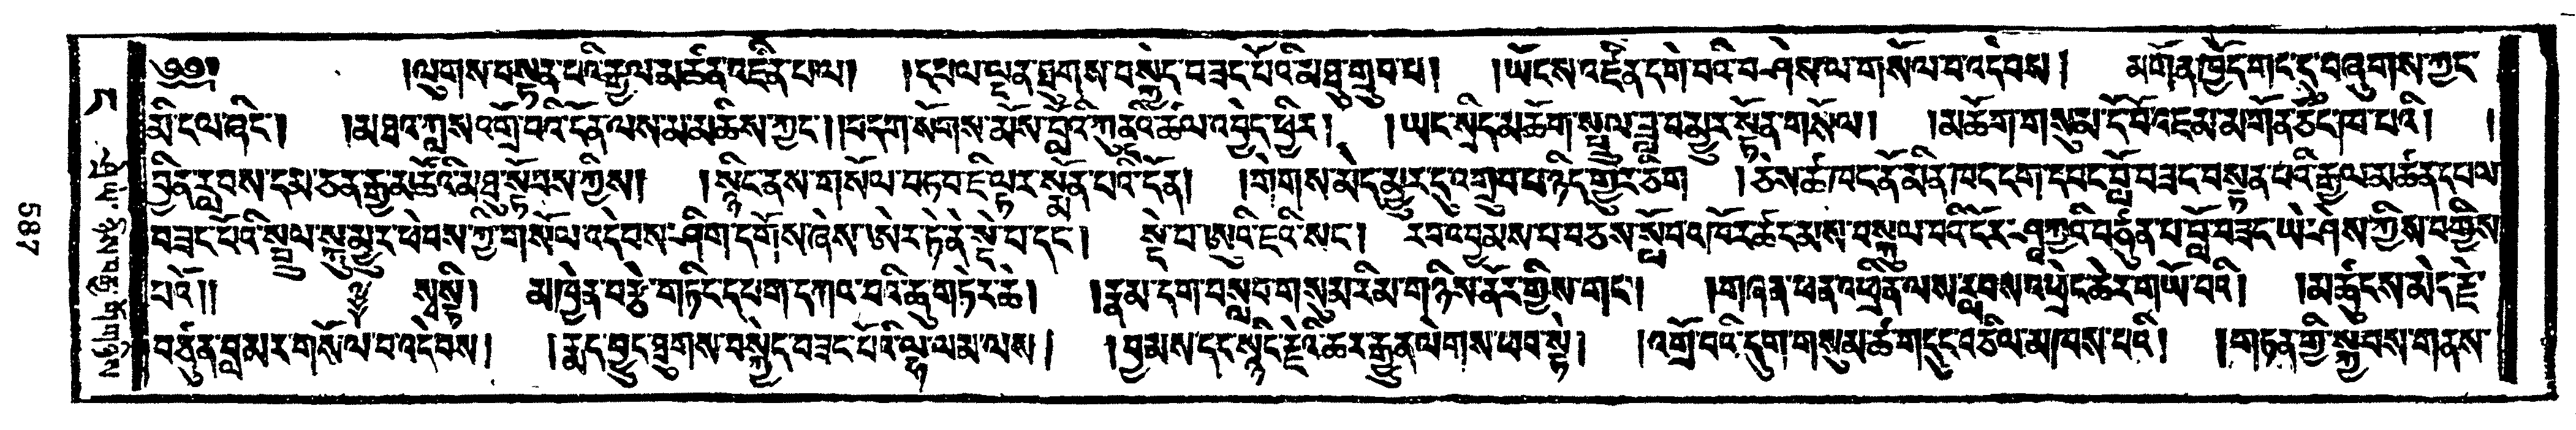༄༅། །ལུགས་བསྟན་པའི་རྒྱལ་མཚན་འཛིན་པ་ལ། །དཔལ་ལྡན་ཐུགས་བསྐྱེད་བཟང་པོའི་མཐུ་གྲུབ་པ། །ཡོངས་འཛིན་དགེ་བའི་བཤེས་ལ་གསོལ་བ་འདེབས། མགོན་ཁྱོད་གང་དུ་བཞུགས་ཀྱང་
མི་ངལ་ཞིང་། །མཐའ་ཀླས་འགྲོ་བའི་དོན་ལས་མ་མཆིས་ཀྱང་། །བདག་སོགས་མོས་བློའི་ཀུནྡའི་ཚལ་འབྱེད་ཕྱིར། །ཡང་སྲིད་མཆོག་སྤྲུལ་ཟླ་བ་མྱུར་སྟོན་གསོལ། །མཆོག་གསུམ་ངོ་བོ་འཇམ་མགོན་ཅིང་ཁ་པའི། །
བྱིན་རླབས་དམ་ཅན་རྒྱ་མཚོའི་མཐུ་སྟོབས་ཀྱིས། །སྙིང་ནས་གསོལ་བཏབ་ཇི་ལྟར་སྨོན་པའི་དོན། །གེགས་མེད་མྱུར་དུ་འགྲུབ་པ་ཉིད་གྱུར་ཅིག །ཅེས་ཚ་ཁང་ནོ་མིན་ཁང་ངག་དབང་བློ་བཟང་བསྟན་པའི་རྒྱལ་མཚན་དཔལ་
བཟང་པོའི་སྤྲུལ་སྐུ་མྱུར་ཕེབས་ཀྱི་གསོལ་འདེབས་ཤིག་དགོས་ཞེས་ཨེར་ཏེ་ནེ་སྡེ་བ་དང་། །སྡེ་པ་ཨུའི་ཇའི་སང་། རབ་འབྱམས་པ་བཅས་སློབ་འཁོར་ཚང་མས་བསྐུལ་བའི་ངོར་ཤཱཀྱའི་བཙུན་པ་བློ་བཟང་ཡེ་ཤེས་ཀྱིས་བགྱིས་
པའོ།། ༈ སྭ་སྟི། མཁྱེན་བརྩེ་གཏིང་དཔག་དཀའ་བའི་ཆུ་གཏེར་ཆེ། །རྣམ་དག་བསླབ་གསུམ་རིམ་གཉིས་ནོར་གྱིས་གང་། །གཞན་ཕན་འཕྲིན་ལས་རླབས་འཕྲེང་ཆེར་གཡོ་བའི། །མཚུངས་མེད་རྗེ་
བཙུན་བླ་མར་གསོལ་བ་འདེབས། །རྨད་བྱུང་ཐུགས་བསྐྱེད་བཟང་པོའི་ལྷ་ལམ་ལས། །བྱམས་དང་སྙིང་རྗེའི་ཆར་རྒྱུན་ལེགས་ཕབ་སྟེ། །འགྲོ་བའི་དུག་གསུམ་ཚ་གདུང་བཅིལ་མཁས་པའི། །གཏན་གྱི་སྐྱབས་གནས་